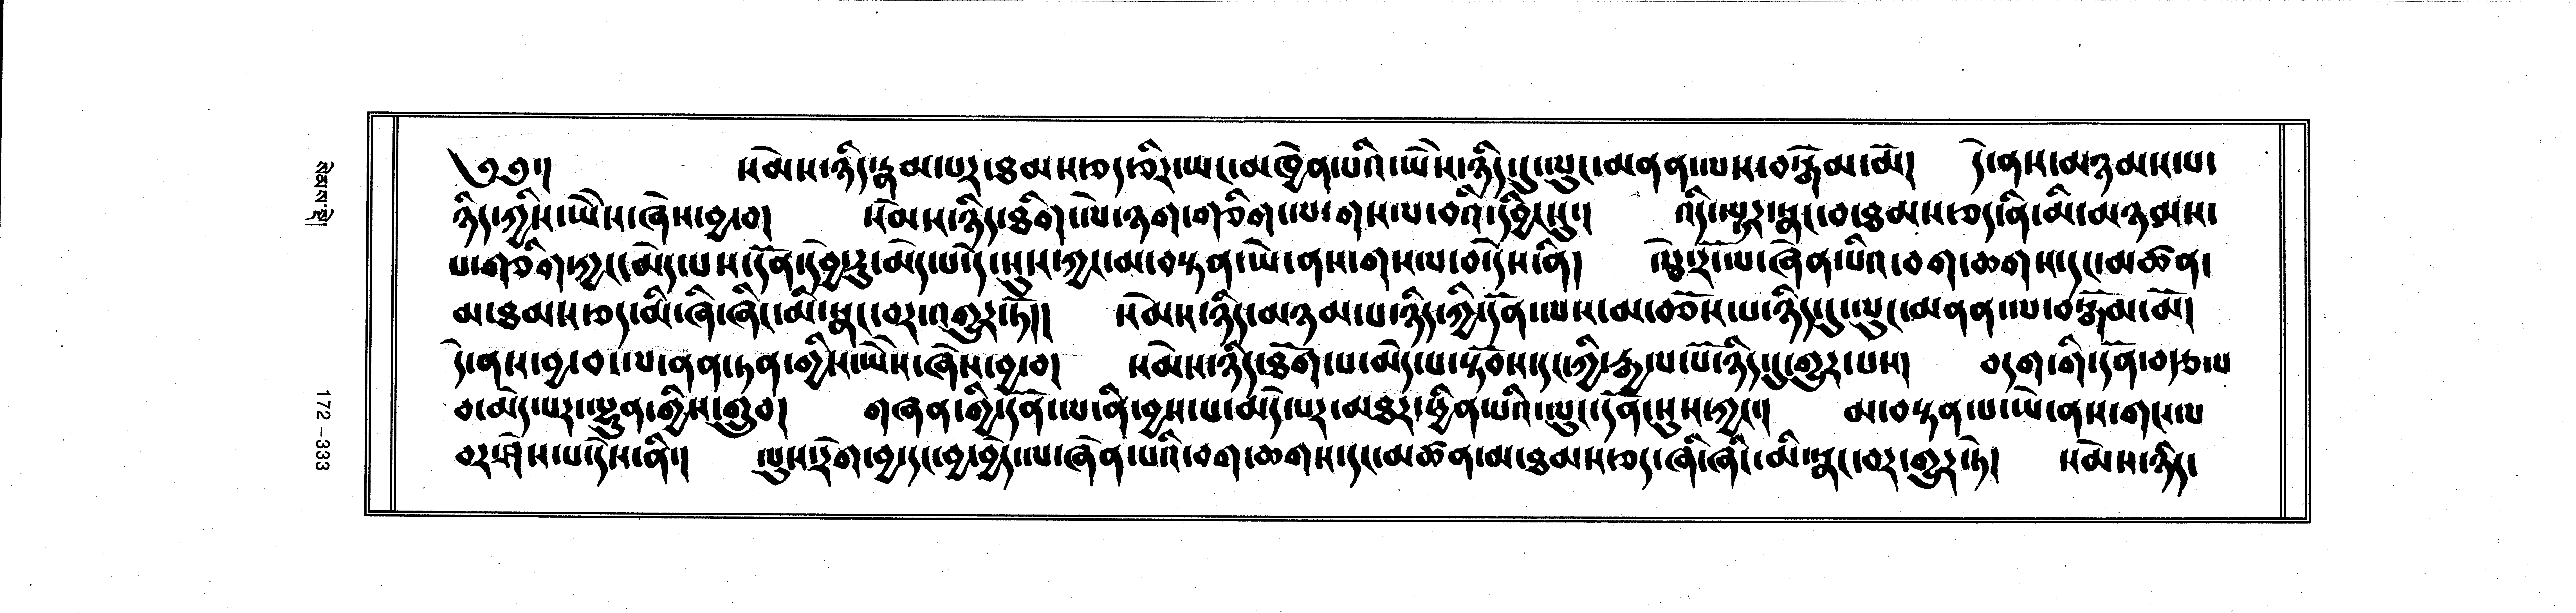སེམས་ཉིད་རྣམ་པར་ཐམས་ཅད་ཅིར་ཡང་མཁྱེན་པའི་ཡེ་ཤེས་ཉིད་དུ་ལུང་མནན་ལས་བསྒོམ་མོ། དེ་ནས་མཉམས་པ་
ཉིད་ཀྱིས་ཡེ་ཤེས་ཞེས་བྱ་བ། སེམས་ཉིད་ཐིག་ལེ་ཉག་གཅིག་ལ་གསལ་བའི་དབྱིངས་སུ། འདི་ལྟར་སྣང་བ་ཐམས་ཅད་ནི་མི་མཉམས་
པ་གཅིག་ཀྱང་མེད་པས་དོན་དབྱེ་རུ་མེད་པ་དེ་སུས་ཀྱང་མ་བསྟན་ཡེ་ནས་གསལ་བ་དེས་ནི། ལྕེ་རོ་ལ་ཞེན་པའི་བག་ཆགས་དང་མཚན་
མ་ཐམས་ཅད་ཞི་ཞིང་མི་སྣང་བར་འགྱུར་ཏོ། སེམས་ཉིད་མཉམ་པ་ཉིད་ཀྱི་དོན་ལས་མ་བཅོས་པ་ཉིད་དུ་ལུང་མནན་ལ་བསྒོམ་མོ། 
དེ་ནས་བྱ་བ་ལ་ནན་ཏན་གྱིས་ཡེ་ཤེས་ཞེས་བྱ་བ། སེམས་ཉིད་ཐོག་པ་མེད་པ་སྟོབས་དང་ཀྱི་རྒྱལ་པོ་ཉིད་དུ་གྱུར་པས། བདག་གི་དོན་བརྩལ་
བ་མེད་པར་ལྷུན་གྱིས་གྲུབ། གཞན་གྱི་དོན་ལ་ནི་བྱས་པ་མེད་པར་མཐར་ཕྱིན་པའི་ལུང་དོན་སུས་ཀྱང་། མ་བསྟན་པ་ཡེ་ནས་གསལ་
བར་ཤེས་པ་དེས་ནི། ལུས་རེག་བྱ་དང་བྱ་བྱེད་ལ་ཞེན་པའི་བག་ཆགས་དང་མཚན་མ་ཐམས་ཅད་ཞི་ཞིང་མི་སྣང་བར་གྱུར་ཏེ། སེམས་ཉིད་